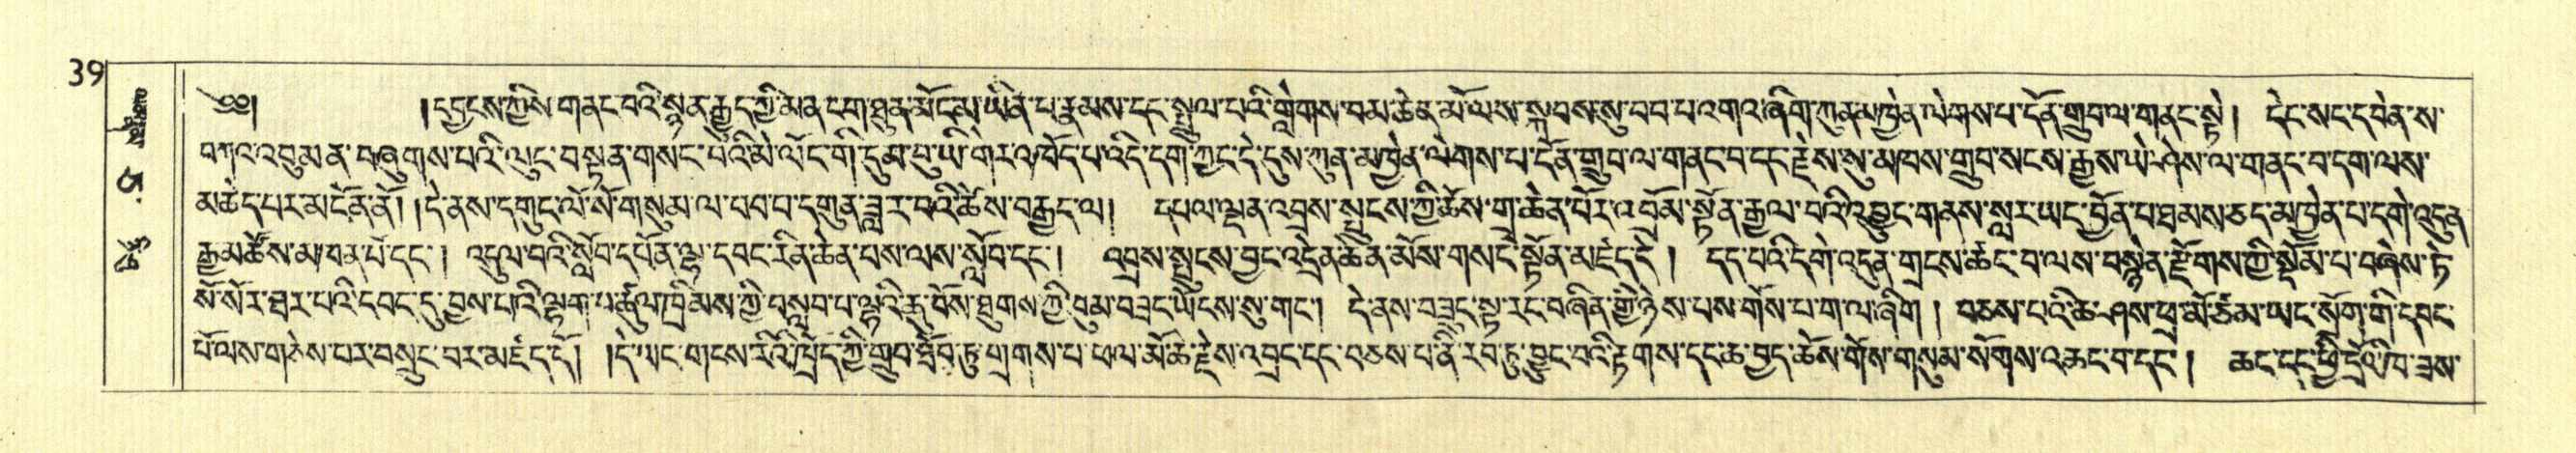༄༅། །དབྱངས་ཀྱིས་གནང་བའི་སྙན་རྒྱུད་ཀྱི་མན་ངག་ཐུན་མོང་མ་ཡིན་པ་རྣམས་དང་སྤྲུལ་པའི་གླེགས་བམ་ཆེན་མོ་ལས་སྐབས་སུ་བབ་པ་འགའ་ཞིག་ཀུན་མཁྱེན་ལེགས་པ་དོན་གྲུབ་ལ་གནང་སྟེ། དེང་སང་དབེན་ས་
བཀའ་འབུམ་ན་བཞུགས་པའི་ལུང་བསྟན་གསང་བའི་མེ་ལོང་གི་དུམ་བུ་ཡི་གེར་འཁོད་པ་འདི་དག་ཀྱང་དེ་དུས་ཀུན་མཁྱེན་ལེགས་པ་དོན་གྲུབ་ལ་གནང་བ་དང་རྗེས་སུ་མཁས་གྲུབ་སངས་རྒྱས་ཡེ་ཤེས་ལ་གནང་བ་དག་ལས་
མཆེད་པར་མངོན་ནོ། །དེ་ནས་དགུང་ལོ་སོ་གསུམ་ལ་བབ་པ་དགུན་ཟླ་ར་བའི་ཚེས་བརྒྱད་ལ། དཔལ་ལྡན་འབྲས་སྤུངས་ཀྱི་ཆོས་གྲྭ་ཆེན་པོར་འབྲོམ་སྟོན་རྒྱལ་བའི་འབྱུང་གནས་སླར་ཡང་བྱོན་པ་ཐམས་ཅད་མཁྱེན་པ་དགེ་འདུན་
རྒྱ་མཚོས་མཁན་པོ་དང་། འདུལ་བའི་སློབ་དཔོན་ལྷ་དབང་རིན་ཆེན་པས་ལས་སློབ་དང་། འབྲས་སྤུངས་བྱང་འདྲེན་ཆེན་མོས་གསང་སྟོན་མཛད་དེ། དད་པའི་དགེ་འདུན་གྲངས་ཚང་བ་ལས་བསྙེན་རྫོགས་ཀྱི་སྡོམ་པ་བཞེས་ཏེ་
སོ་སོར་ཐར་པའི་དབང་དུ་བྱས་པའི་ལྷག་པ་ཚུལ་ཁྲིམས་ཀྱི་བསླབ་པ་ལྷའི་ཆུ་བོས་ཐུགས་ཀྱི་བུམ་བཟང་ཡོངས་སུ་གང་། དེ་ནས་བཟུང་སྟ་རང་བཞིན་གྱི་ཉེས་པས་གོས་པ་ག་ལ་ཞིག །བཅས་པའི་ཆ་ཤས་ཕྲ་མོ་ཙམ་ཡང་སྲོག་གི་དབང་
པོ་ལས་གཅེས་པར་བསྲུང་བར་མཛད་དོ། །དེ་ཡང་གངས་རིའི་ཁྲོད་ཀྱི་གྲུབ་ཐོབ་ཏུ་གྲགས་པ་ཕལ་མོ་ཆེ་རྗེས་འབྲང་དང་བཅས་པ་ནི་རབ་ཏུ་བྱུང་བའི་རྟགས་དང་ཆ་བྱད་ཆོས་གོས་གསུམ་སོགས་འཆང་བ་དང་། ཆང་དང་ཕྱི་དྲོའི་ཁ་ཟས་